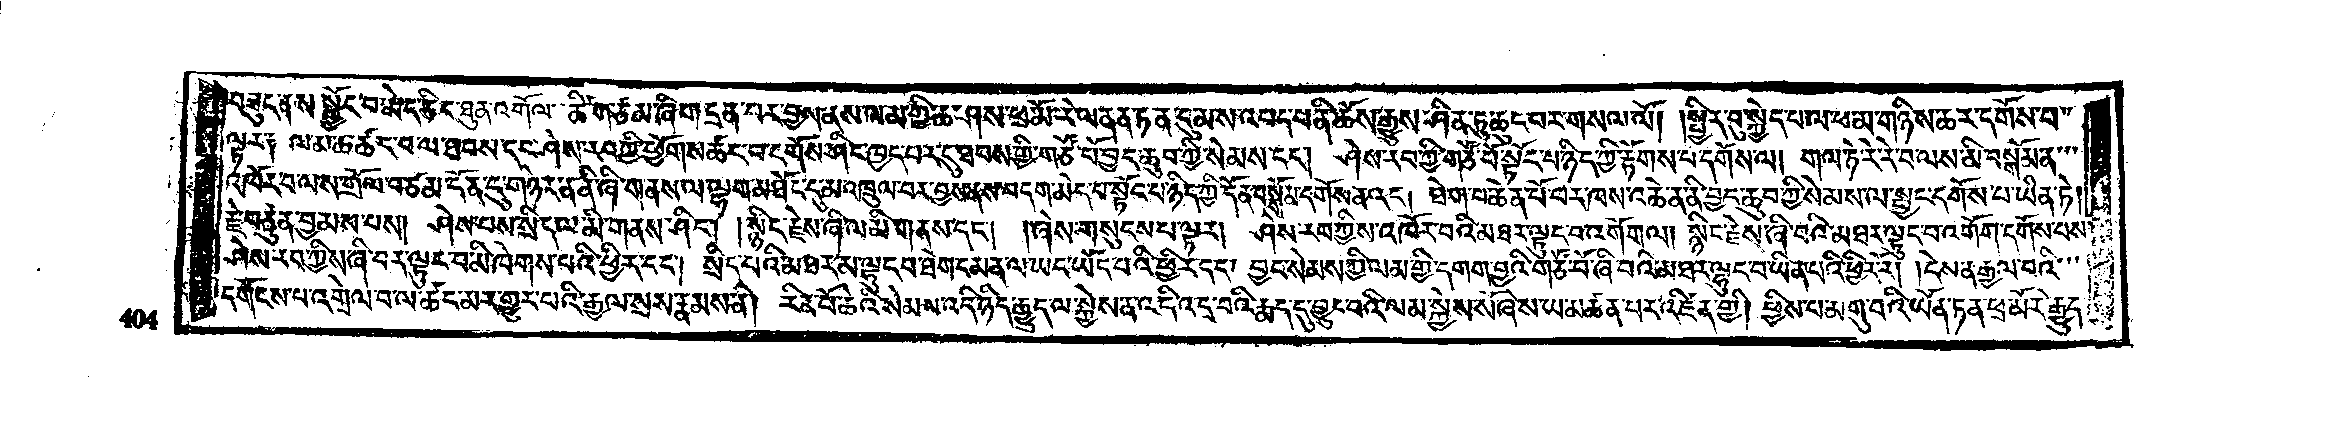བཟུང་ནས་སྦྱོང་བ་མེད་ཅིང་ཐུན་འགོ་ལ་ཚིག་ཙམ་ཞིག་དྲན་པར་བྱས་ནས་ལམ་གྱི་ཆ་ཤས་ཕྲ་མོ་རེ་ལ་ནན་ཏན་དུ་མས་འབད་པ་ནི་ཆོས་རྒྱུས་ཤིན་ཏུ་ཆུང་བར་གསལ་ལོ། །སྤྱིར་བུ་སྐྱེད་པ་ལ་ཕ་མ་གཉིས་ཆར་དགོས་པ་
ལྟར༑ ལམ་ཆ་ཚང་བ་ལ་ཐབས་དང་ཤེས་རབ་ཀྱི་ཕྱོགས་ཚང་བ་དགོས་ཤིང་ཁྱད་པར་དུ་ཐབས་ཀྱི་གཙོ་བོ་བྱང་ཆུབ་ཀྱི་སེམས་དང་། ཤེས་རབ་ཀྱི་གཙོ་བོ་སྟོང་པ་ཉིད་ཀྱི་རྟོགས་པ་དགོས་ལ། གལ་ཏེ་རེ་རེ་བ་ལས་མི་བསྒོམ་ན་
འཁོར་བ་ལས་གྲོལ་བ་ཙམ་དོན་དུ་གཉེར་ན་ནི་ཞི་གནས་ལ་ལྷག་མཐོང་དུ་མ་འཁྲུལ་བར་བྱས་ནས་བདག་མེད་པ་སྟོང་པ་ཉིད་ཀྱི་དོན་བསྒོམ་དགོས་ནའང་། ཐེག་པ་ཆེན་པོ་པར་ཁས་འཆེ་ན་ནི་བྱང་ཆུབ་ཀྱི་སེམས་ལ་སྦྱང་དགོས་པ་ཡིན་ཏེ།
རྗེ་བཙུན་བྱམས་པས། ཤེས་པས་སྲིད་ལ་མི་གནས་ཤིང་། །སྙིང་རྗེས་ཞི་ལ་མི་གནས་དང་། །ཞེས་གསུངས་པ་ལྟར། ཤེས་རབ་ཀྱིས་འཁོར་བའི་མཐར་ལྟུང་བ་འགོག་ལ། སྙིང་རྗེས་ཞི་བའི་མཐར་ལྟུང་བ་འགོག་དགོས་པས་
ཤེས་རབ་ཀྱིས་ཞི་བར་ལྟུང་བ་མི་ཁེགས་པའི་ཕྱིར་དང་། སྲིད་པའི་མཐར་མ་ལྷུང་བ་ཐེག་དམན་ལ་ཡང་ཡོད་པའི་ཕྱིར་དང་། བྱང་སེམས་ཀྱི་ལམ་གྱི་དགག་བྱའི་གཙོ་བོ་ཞི་བའི་མཐར་ལྷུང་བ་ཡིན་པའི་ཕྱིར་རོ། །དེས་ན་རྒྱལ་བའི་
དགོངས་པ་འགྲེལ་བ་ལ་ཚད་མར་གྱུར་པའི་རྒྱལ་སྲས་རྣམས་ནི། རིན་པོ་ཆེའི་སེམས་འདི་ཉིད་རྒྱུད་ལ་སྐྱེས་ན་འདི་འདྲ་བའི་རྨད་དུ་བྱུང་བའི་ལམ་སྐྱེས་སོ་ཞེས་ཡ་མཚན་པར་འཛིན་གྱི། བྱིས་པ་མགུ་བའི་ཡོན་ཏན་ཕྲ་མོ་རེ་རྒྱུད་